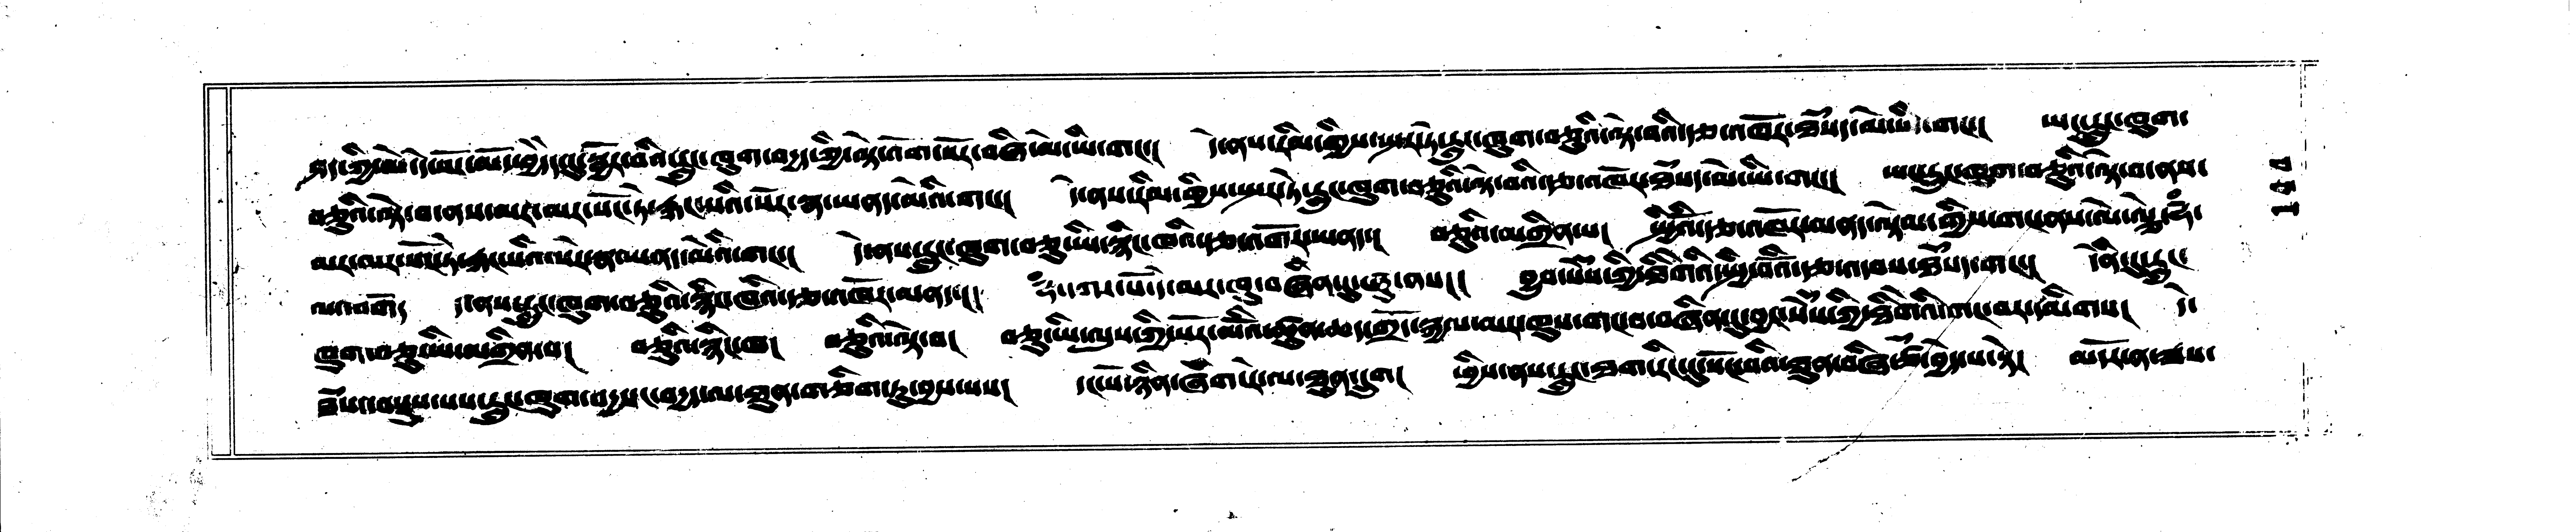ཤད་ཀྱི་མེ་དེ་སོར་མོ་ཕྱེད་ཕྱེད་དུ་སྦྱོར་བའི་རླུང་ཁུག་བརྒྱད་ཀྱི་ལྟེ་འོག་སོར་བཞི་མེ་ཡིས་གང་། དེ་ནས་རིམ་གྱིས་སྤར་ཏེ་རླུང་ཁུག་བཅུའི་ལྟེ་བའི་རྩ་འཁོར་ཐམས་ཅད་མེ་ཡིས་གང་། ཡང་རླུང་ཁུག་
བཅུའི་ལྟེ་བ་ནས་མར་སོང་སྟེ་རྐང་པའི་སོར་སྣ་ཡན་ཆད་མེའིས་གང་། དེ་ནས་རིམ་གྱིས་སྤར་ཏེ་རླུང་ཁུག་བཅུའིས་ལྟེ་བའི་རྩ་འཁོར་ཐམས་ཅད་མེ་ཡིས་གང་། ཡང་རླུང་ཁུག་བཅུ་ཡི་ལྟེ་བ་ནས་
མར་མར་སོང་སྟེ་རྐང་པའི་སེན་སྣ་ཡན་ཆད་མེ་ཡིས་གང་། དེ་ནས་རླུང་ཁུག་བཅུའི་སྙིང་ཁའི་རྩ་འཁོར་ཡན་ཆད། བཅུའི་མགྲིན་པ། སྤྱི་བོའི་རྩ་འཁོར་མན་ཆད་ལྟེམ་གྱིས་གང་ནས་མེ་ལྕེ་ཧཱཾ་
ལ་ཕོག དེ་ནས་རླུང་ཁུག་བཅུ་ཡི་སྙིང་ཁའི་རྩ་འཁོར་མན་ཆད། ཧཾ་དཀར་པོ་དེ་མར་ཞུ་བཞིན་དུ་ཞུ་ནས། བྱང་ཆུབ་སེམས་ཀྱི་ཐིག་ལེ་སྤྱི་བོའི་རྩ་འདབ་ཐམས་ཅད་གང་། དེ་བཞིན་དུ་རླུང་
ཁུག་བཅུའི་མགྲིན་པ། བཅུའི་སྙིང་ཁ། བཅུའི་ལྟེ་བ། བཅུའི་ལུས་ཀྱི་སོར་མོ་ཚུན་ཆད་གྲོད་རྐྱལ་མར་ཁུས་གང་བ་བཞིན་དུ་བྱང་སེམས་ཀྱི་ཐིག་ལེས་གང་བར་དམིགས། དེ་
ཐམས་ཅད་བསྡུས་པས་རླུང་ཁུག་བརྒྱ་དང་བརྒྱད་ལ་ཐུན་གཅིག་ཏུ་བྱས་པས། དང་པོ་ཉིན་ཞིག་རེ་ལ་ཐུན་དྲུག ཕྱིས་ནས་རླུང་ཐག་རིང་དུ་སོང་བའི་ཐུན་བཞི་ཙམ་བྱེད་པ་སྟེ། མདོར་ན་ཟས་